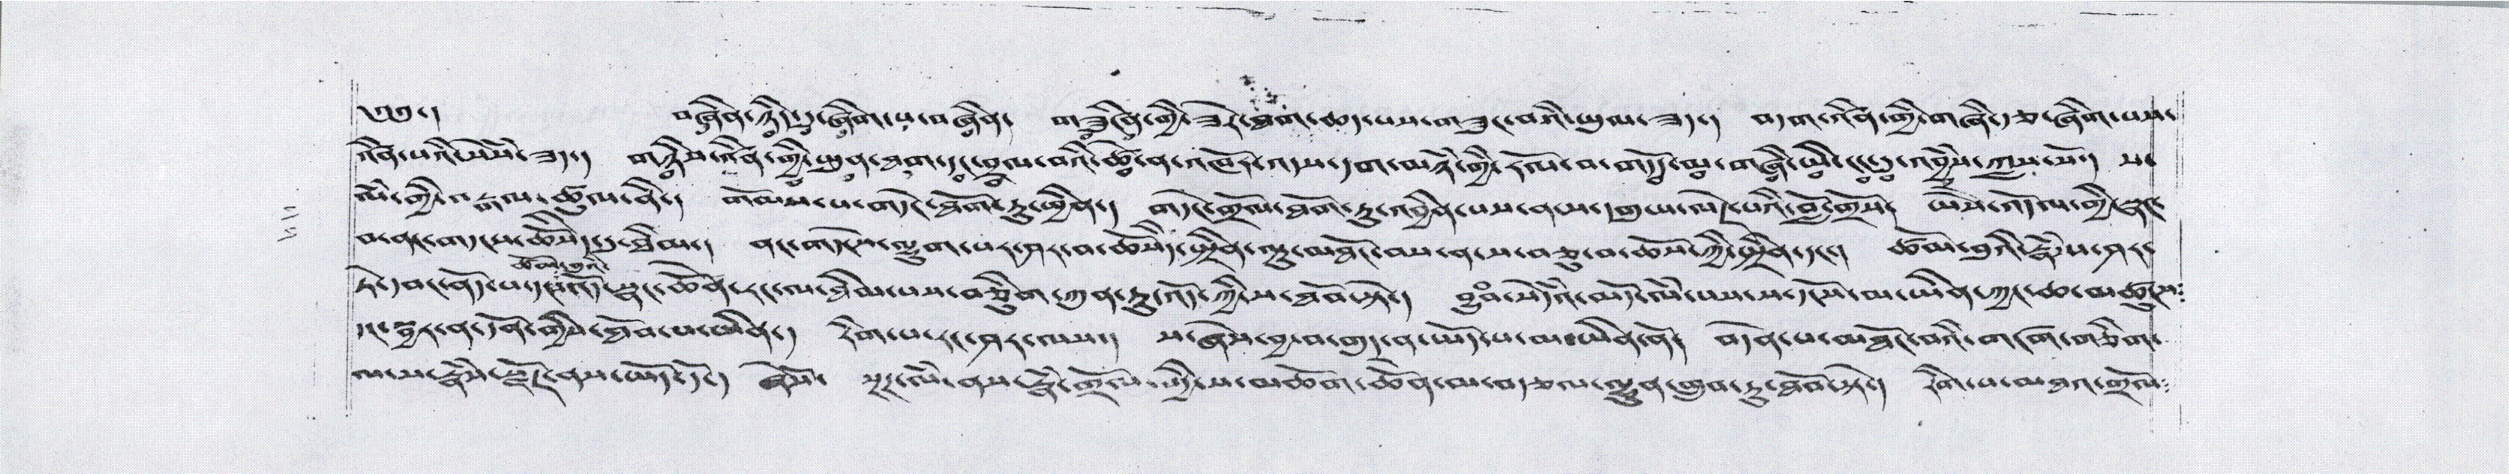བཞིན་ཉིད་དུ་ཞིག་པ་བཞིན། གཟུང་འཛིན་གྱི་ཟེར་ཐག་ཆད་པས་བཟུང་བའི་ཡུལ་ཟད། བདག་འཛིན་གྱི་གཞི་རྩ་ཞིག་པས་
འཛིན་པའི་སེམས་ཟད། གཉིས་འཛིན་གྱི་སྤུན་ཐག་དང་བྲལ་བའི་ཚེ་ན་འཁོར་འདས་དག་མཉམ་གྱི་རོལ་པ་གདོད་མ་གཞི་ཡི་ངང་དུ་འབྱམས་ཀླས་སོ། ས་
ལམ་གྱི་བརྒལ་ཚུལ་ནི། གོམས་པ་གདེང་ཐོག་ཏུ་ཕྱིན། གདེང་གྲོལ་ཐོག་ཏུ་འབྱིན་པས་ན་ས་དགུ་པ་ལེགས་པའི་བློ་གྲོས། ཡེ་ཤེས་འོད་གསལ་གྱི་སྣང་
བ་ནང་གདངས་ཆོས་ཉིད་དུ་ཐིམ། ནང་གདངས་ལྷུག་པར་ཤར་བ་ཆོས་ཉིད་སྤྲིན་ལྟ་བུ་མཐོང་བས་ན་ས་བཅུ་པ་ཆོས་ཀྱི་སྤྲིན་དང་། ཚོམ་བུའི་རྣམ་པ་ཤར་
ཏེ་དབང་ནོད་པ་དང་ཚོམ་བུའི་འོད་སྣང་ཆེན་པོ་རང་ལ་ཐིམ་པས་བཅུ་གཅིག་ཀུན་ཏུ་འོད་ཀྱི་ས་ཐོབ་སྟེ། བྱང་ཆུབ་སེམས་དཔའ་མདོ་ལས་ལས་ས་དངོས་མ་ཡིན་ཀྱང་ཆ་མཚུངས་
དང་སྦྱར་ན་དོན་གྱིས་ཐོབ་པ་ཡིན། རིག་པ་རང་ཤར་ལས། ས་ཞེས་བྱ་བ་གུད་ན་ཡོད་པ་མ་ཡིན་ནོ། བདེན་པ་མཐོང་བའི་གང་ཟག་གཅིག་
ལ་ས་རྣམས་རྫོགས་ནས་ཡོད་དོ། ཞེས་སོ། སྔགས་ལམ་ནས་རྣམ་གྲོལ་གྱི་ས་མཆོག་ཆེན་པོ་མ་བཙལ་ལྷུན་གྲུབ་ཏུ་ཐོབ་སྟེ། རིག་པ་མཐའ་གྲོལ་